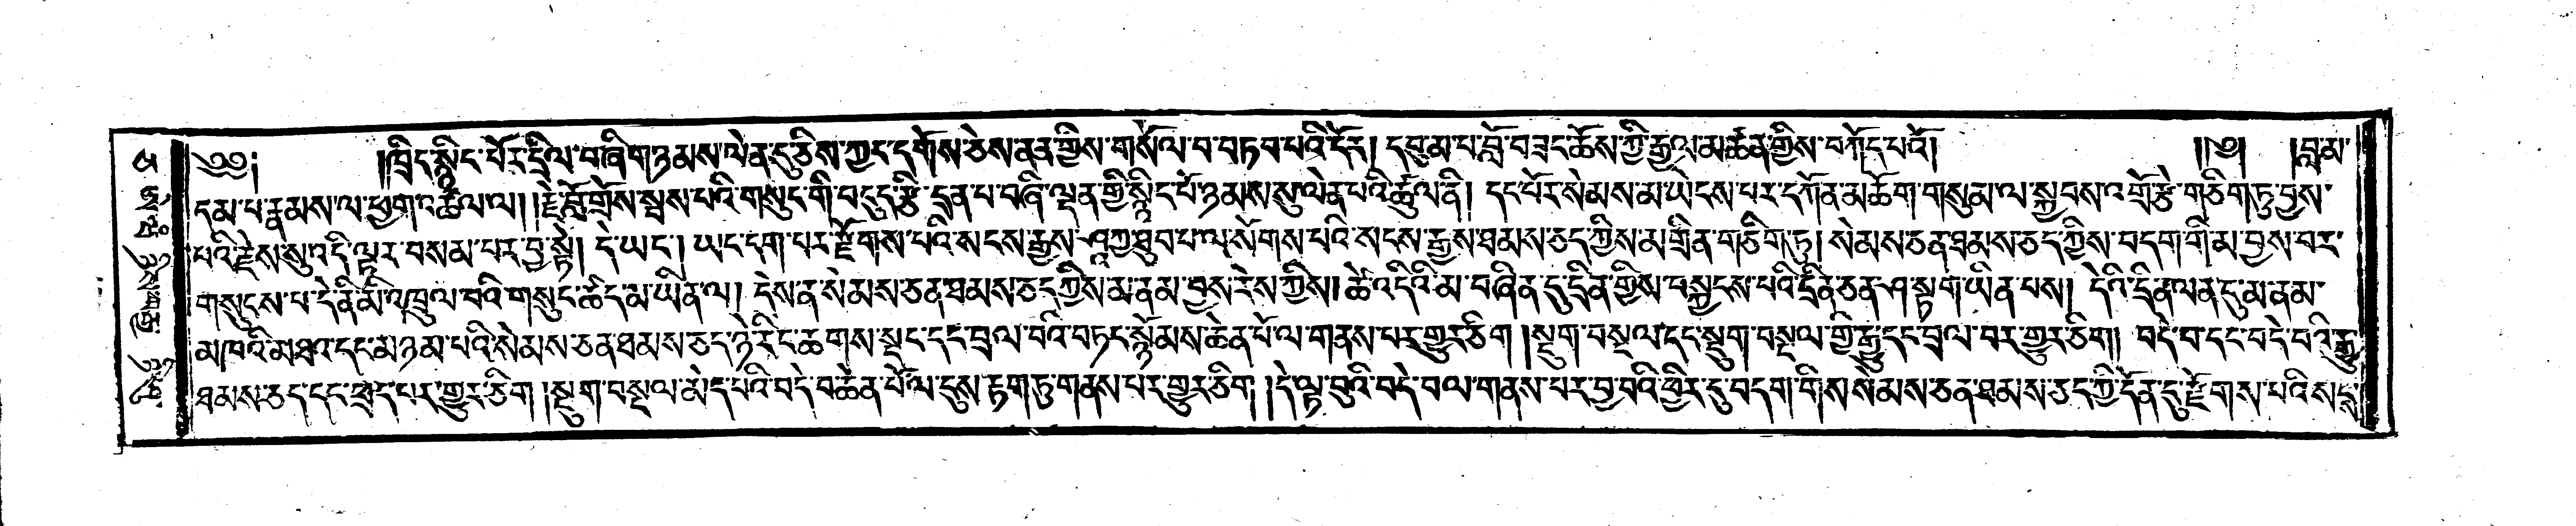༄༅། །བླ་མ་དམ་པ་རྣམས་ལ་ཕྱག་འཚལ་ལོ། །རྗེ་བློ་གྲོས་སྦས་པའི་གསུང་གི་བདུད་རྩི་དྲན་པ་བཞི་ལྡན་གྱི་སྙིང་པོ་ཉམས་སུ་ལེན་པའི་ཚུལ་ནི། དང་པོར་སེམས་མ་ཡེངས་པར་དཀོན་མཆོག་གསུམ་ལ་སྐྱབས་འགྲོ་རྩེ་གཅིག་ཏུ་བྱས་
པའི་རྗེས་སུ་འདི་ལྟར་བསམ་པར་བྱ་སྟེ། དེ་ཡང་། ཡང་དག་པར་རྫོགས་པའི་སངས་རྒྱས་ཤཱཀྱ་ཐུབ་པ་ལ་སོགས་པའི་སངས་རྒྱས་ཐམས་ཅད་ཀྱིས་མགྲིན་གཅིག་ཏུ། སེམས་ཅན་ཐམས་ཅད་ཀྱིས་བདག་གི་མ་བྱས་པར་
གསུངས་པ་དེ་ནི་མི་འཁྲུལ་བའི་གསུང་ཚད་མ་ཡིན་ལ། དེས་ན་སེམས་ཅན་ཐམས་ཅད་ཀྱིས་མ་ནམ་བྱས་རེས་ཀྱིས། ཚེ་འདིའི་མ་བཞིན་དུ་དྲིན་གྱིས་བསྐྱངས་པའི་དྲིན་ཅན་ཤ་སྟག་ཡིན་པས། དེའི་དྲིན་ལན་དུ་མ་ནམ་
མཁའི་མཐའ་དང་མཉམ་པའི་སེམས་ཅན་ཐམས་ཅད་ཉེ་རིང་ཆགས་སྡང་དང་བྲལ་བའི་བཏང་སྙོམས་ཆེན་པོ་ལ་གནས་པར་གྱུར་ཅིག །སྡུག་བསྔལ་དང་སྡུག་བསྔལ་གྱི་རྒྱུ་དང་བྲལ་བར་གྱུར་ཅིག །བདེ་བ་དང་བདེ་བའི་རྒྱུ་
ཐམས་ཅད་དང་ཕྲད་པར་གྱུར་ཅིག །སྡུག་བསྔལ་མེད་པའི་བདེ་བ་ཆེན་པོ་ལ་དུས་རྟག་ཏུ་གནས་པར་གྱུར་ཅིག །དེ་ལྟ་བུའི་བདེ་བ་ལ་གནས་པར་བྱ་བའི་ཕྱིར་དུ་བདག་གིས་སེམས་ཅན་ཐམས་ཅད་ཀྱི་དོན་དུ་རྫོགས་པའི་སངས་